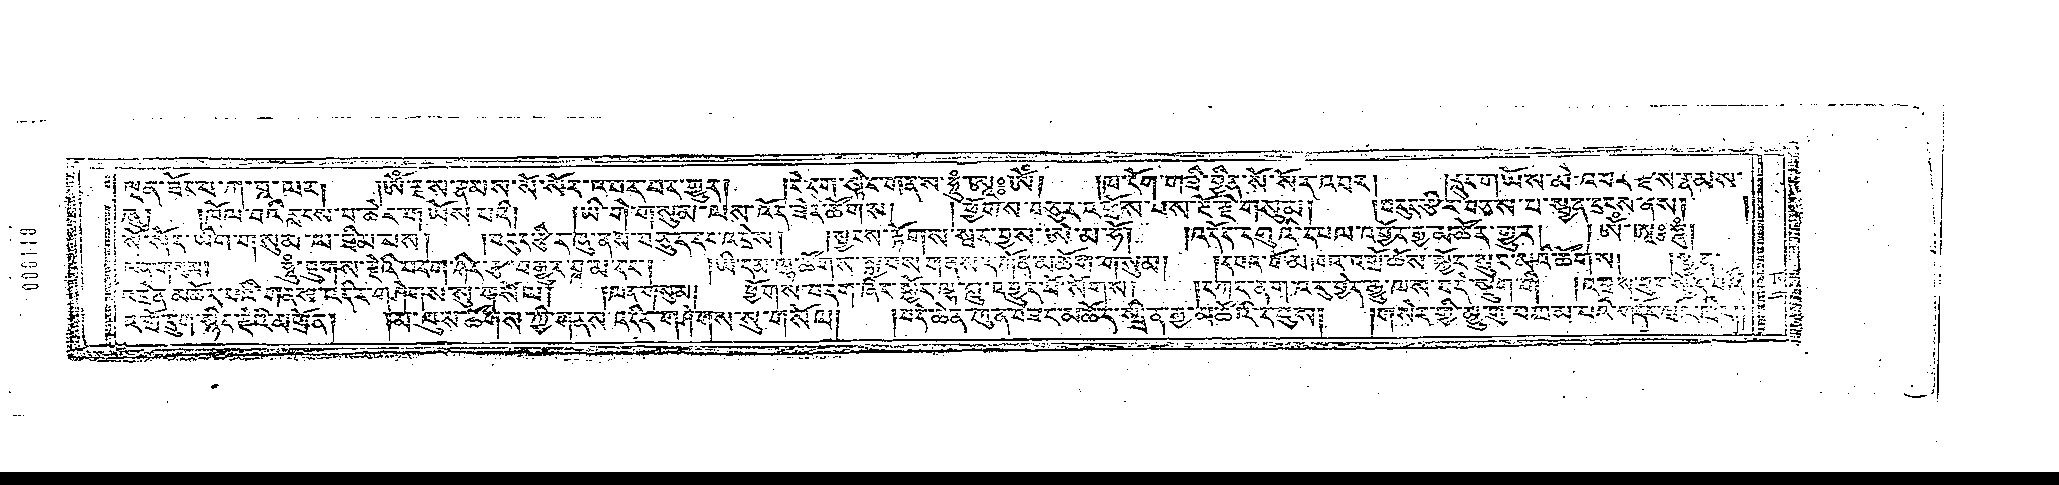ལྡན་ཐོད་པ་ཀ་པཱ་ལར། །ཨོཾ་རྫས་རྣམས་སོ་སོར་འབར་བར་གྱུར། །དེ་དག་སྟེང་གནས་ཧཱུཾ་ཨཱཿ་ཨོཾ། །ཁ་དོག་གཟི་བྱིན་སོ་སོར་འབར། །རླུང་གཡོས་མེ་འབར་རྫས་རྣམས་
ཞུ། །ཁོལ་བའི་རླངས་པ་ཆེར་གཡོས་པའི། །ཡི་གེ་གསུམ་ལས་འོད་ཟེར་ཚོགས། །ཕྱོགས་བཅུར་འཕྲོས་པས་རྡོ་རྗེ་གསུམ། །བདུད་རྩིར་བཅས་པ་སྤྱན་དྲངས་ནས། །
སོ་སོར་ཡིག་གསུམ་ལ་ཐིམ་པས། །བདུད་རྩིར་ཞུ་ནས་བཅུད་དང་འདྲེས། །སྦྱངས་རྟོགས་སྦར་བྱས་ཨེ་མ་ཧོ། །འདོད་དགུའི་དཔལ་འབྱོར་རྒྱ་མཚོར་གྱུར། །ཨོཾ་ཨཱཿ་ཧཱུཾ།
ལན་གསུམ། ཧཱུཾ་ཐུགས་རྗེའི་བདག་ཉིད་རྩ་བརྒྱུད་བླ་མ་དང་། །ཡི་དམ་ལྷ་ཚོགས་སྐྱབས་གནས་དཀོན་མཆོག་གསུམ། །དཔའ་བོ་མཁའ་འགྲོ་ཆོས་སྐྱོང་སྲུང་མའི་ཚོགས། །སྤྱན་
འདྲེན་མཆོད་པའི་གནས་འདིར་གཤེགས་སུ་གསོལ། །ལན་གསུམ། ཕྱོགས་བདག་ཞིང་སྐྱོང་ལྷ་ཀླུ་འབྱུང་པོ་སོགས། །དཀར་ནག་འདུ་བྱེད་རྒྱུ་ལས་བདེ་སྡུག་གི །འབྲས་བུར་སྤྱོང་པའི་
འགྲོ་དྲུག་སྙིང་རྗེའི་མགྲོན། །མ་ལུས་ཚོགས་ཀྱི་གནས་འདིར་གཤེགས་སུ་གསོལ། །བདེ་ཆེན་ཀུན་བཟང་མཆོད་སྤྲིན་རྒྱ་མཚོའི་དབུས། །གསེར་གྱི་མྱུ་གུ་བཀྲམ་པའི་གདོང་ལྔའི་ཁྲིད།།